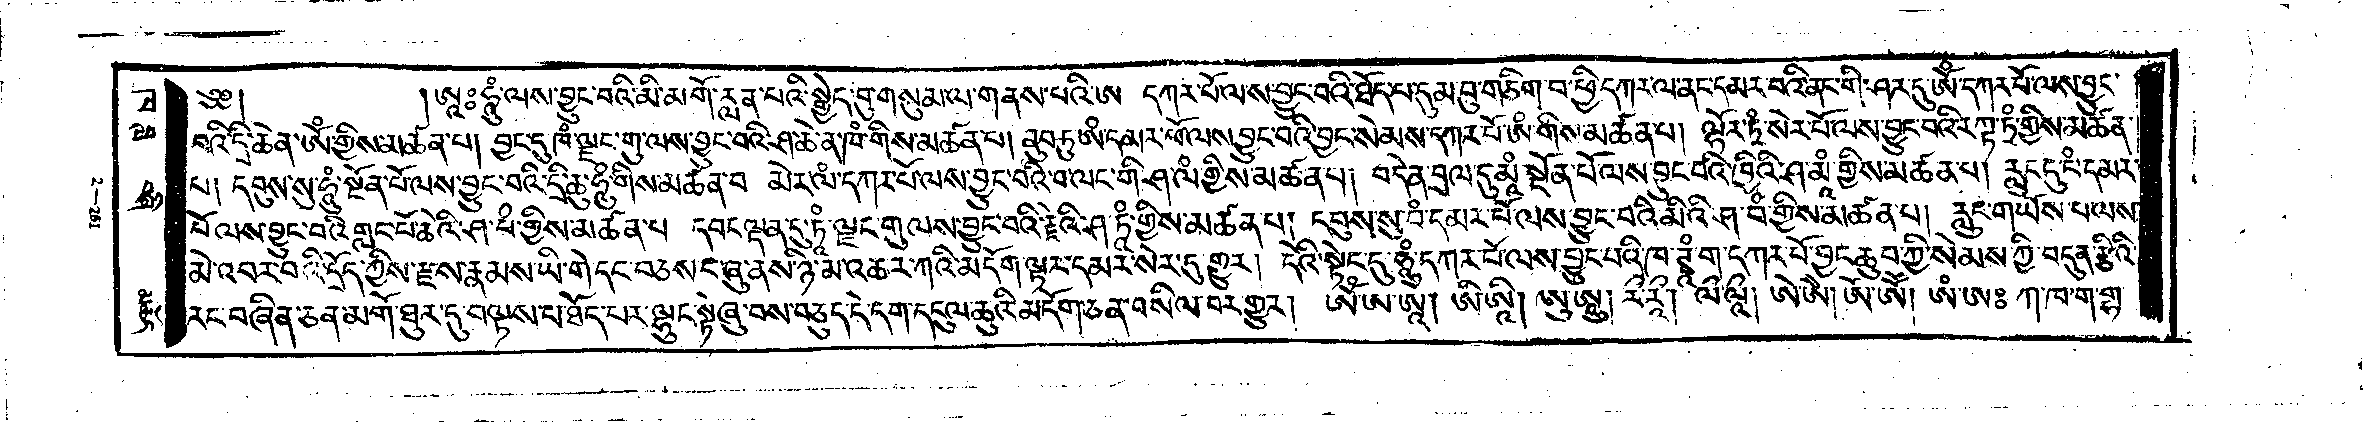༄༅། །ཨཱཿ ཧཱུཾ་ལས་བྱུང་བའི་མི་མགོ་རླན་པའི་སྒྱེད་བུ་གསུམ་ལ་གནས་པའི་ཨ་དཀར་པོ་ལས་བྱུང་བའི་ཐོད་པ་དུམ་བུ་གཅིག་བ་ཕྱི་དཀར་ལ་ནང་དམར་བའི་ནང་གི་ཤར་དུ་ཨོཾ་དཀར་པོ་ལས་བྱུང་
བའི་དྲི་ཆེན་ཨོཾ་གྱིས་མཚན་པ། བྱང་དུ་ཁཾ་ལྗང་གུ་ལས་བྱུང་བའི་ཤ་ཆེ་ན་ཁཾ་གིས་མཚན་པ། ནུབ་ཏུ་ཨཾ་དམར་ཕོ་ལས་བྱུང་བའི་བྱང་སེམས་དཀར་པོ་ཨཾ་གིས་མཚན་པ། ལྷོར་ཏྲཾ་སེར་པོ་ལས་བྱུང་བའི་རཀྟ་ཏྲཾ་གྱིས་མཚན་
པ། དབུས་སུ་ཧཱུཾ་སྔོན་པོ་ལས་བྱུང་བའི་དྲི་ཆུ་ཧཱུཾ་གིས་མཚན་བ་མེར་ལཾ་དཀར་པོ་ལས་བྱུང་བའི་བ་ལང་གི་ཤ་ལཾ་གྱིས་མཚན་པ། བདེན་བྲལ་དུ་མཱཾ་སྔོན་པོ་ལས་བྱུང་བའི་ཁྱིའི་ཤ་མཱཾ་གྱིས་མཚན་པ། རླུང་དུ་པཾ་དམར་
པོ་ལས་བྱུང་བའི་གླང་པོ་ཆེའི་ཤ་པཾ་གྱིས་མཚན་པ་དབང་ལྡན་དུ་ཏཱཾ་ལྗང་གུ་ལས་བྱུང་བའི་རྗེའི་ཤ་ཏཱཾ་གྱིས་མཚན་པ། དབུས་སུ་བཾ་དམར་པོ་ལས་བྱུང་བའི་མིའི་ཤ་བཾ་གྱིས་མཚན་པ། རླུང་གཡོས་པ་ལས་
མེ་འབར་བའི་དྲོད་ཀྱིས་རྫས་རྣམས་ཡི་གེ་དང་བཅས་ང་ཞུ་ནས་ཉི་མ་འཆར་ཀའི་མདོག་ལྟར་དམར་སེར་དུ་གྱུར། དེའི་སྟེང་དུ་ཧཱུཾ་དཀར་པོ་ལས་བྱུང་བའི་ཁ་ཊཱཾ་ག་དཀར་པོ་བྱང་ཆུབ་ཀྱི་སེམས་ཀྱི་བདུན་རྩིའི་
རང་བཞིན་ཅན་མགོ་ཐུར་དུ་བལྟས་པ་ཐོད་པར་ལྷུང་སྟེ་ཞུ་བས་བཅུད་དེ་དག་དངུལ་ཆུའི་མདོག་ཅན་བསིལ་བར་གྱུར། ཨོཾ་ཨ་ཨཱ། ཨི་ཨཱི། ཨུ་ཨཱུ། རི་རཱི། ལི་ལཱི། ཨེ་ཨཻ། ཨོ་ཨཽ། ཨཾ་ཨཿ ཀ་ཁ་ག་གྷ་